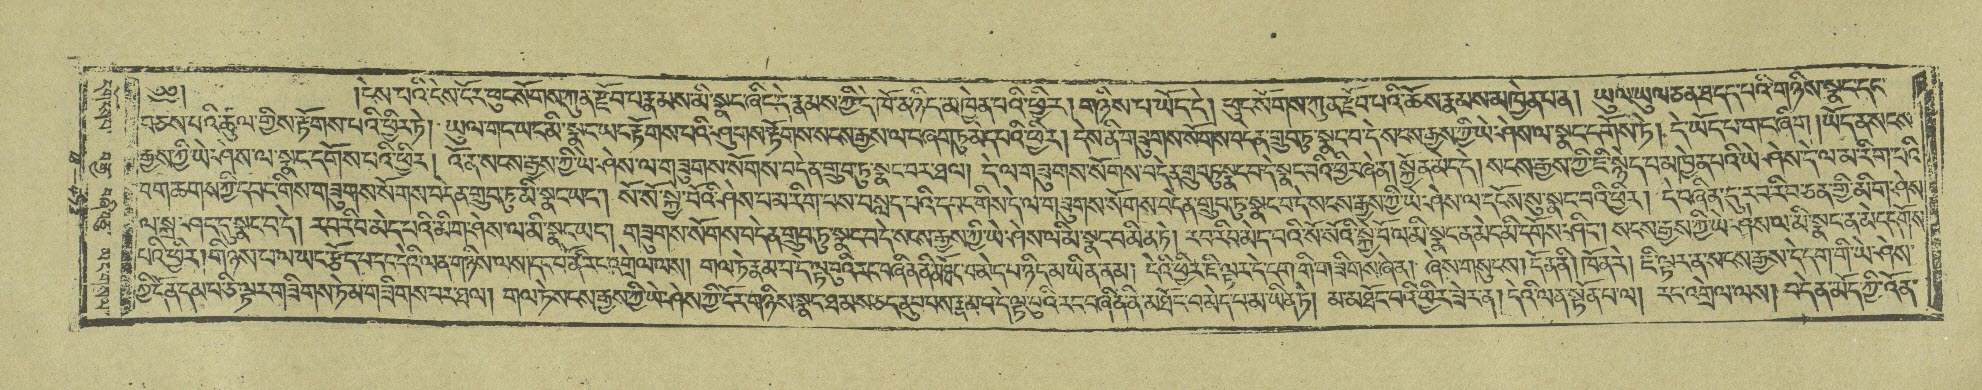༄༅། །ངེས་པའི་ངེས་ངོར་ཕུང་སོགས་ཀུན་རྫོབ་པ་རྣམས་མི་སྣང་ཞིང་དེ་རྣམས་ཀྱི་དེ་ཁོ་ན་ཉིད་མཁྱེན་པའི་ཕྱིར། གཉིས་པ་ཡོད་དེ། ཕུང་སོགས་ཀུན་རྫོབ་པའི་ཆོས་རྣམས་མཁྱེན་པ་ན། ཡུལ་ཡུལ་ཅན་ཐ་དད་པའི་གཉིས་སྣང་དང་
བཅས་པའི་ཚུལ་གྱིས་རྟོགས་པའི་ཕྱིར་ཏེ། ཡུལ་གང་ཡང་མི་སྣང་ཡང་རྟོགས་པའི་ཤུགས་རྟོགས་སངས་རྒྱས་ལ་བཞག་ཏུ་མེད་པའི་ཕྱིར། དེས་ནི་གཟུགས་སོགས་བདེན་གྲུབ་ཏུ་སྣང་བ་དེ་སངས་རྒྱས་ཀྱི་ཡེ་ཤེས་ལ་སྣང་དགོས་ཏེ། དེ་ཡོད་པ་གང་ཞིག །ཡོད་ན་སངས་
རྒྱས་ཀྱི་ཡེ་ཤེས་ལ་སྣང་དགོས་པའི་ཕྱིར། འོ་ན་སངས་རྒྱས་ཀྱི་ཡེ་ཤེས་ལ་གཟུགས་སོགས་བདེན་གྲུབ་ཏུ་སྣང་བར་ཐལ། དེ་ལ་གཟུགས་སོགས་བདེན་གྲུབ་ཏུ་སྣང་བ་དེ་སྣང་བའི་ཕྱིར་ཞེ་ན། སྐྱོན་མེད་དེ། སངས་རྒྱས་ཀྱི་ཇི་སྙེད་པ་མཁྱེན་པའི་ཡེ་ཤེས་དེ་ལ་མ་རིག་པའི་
བག་ཆགས་ཀྱི་དབང་གིས་གཟུགས་སོགས་བདེན་གྲུབ་ཏུ་མི་སྣང་ཡང་། སོ་སོ་སྐྱེ་བོའི་ཤེས་པ་མ་རིག་པས་བསླད་པའི་དབང་གིས་དེ་ལ་གཟུགས་སོགས་བདེན་གྲུབ་ཏུ་སྣང་བ་དེ་སངས་རྒྱས་ཀྱི་ཡེ་ཤེས་ལ་དངོས་སུ་སྣང་བའི་ཕྱིར། དེ་བཞིན་དུ་རབ་རིབ་ཅན་གྱི་མིག་ཤེས་
ལ་སྐྲ་ཤད་དུ་སྣང་བ་དེ། རབ་རིབ་མེད་པའི་མིག་ཤེས་ལ་མི་སྣང་ཡང་། གཟུགས་སོགས་བདེན་གྲུབ་ཏུ་སྣང་བ་དེ་སངས་རྒྱས་ཀྱི་ཡེ་ཤེས་ལ་མི་སྣང་བ་མིན་ཏེ། རབ་རིབ་མེད་པའི་སོ་སོའི་སྐྱེ་བོ་ལ་མི་སྣང་ན་མེད་མི་དགོས་ཤིང་། སངས་རྒྱས་ཀྱི་ཡེ་ཤེས་ལ་མི་སྣང་ན་མེད་དགོས་
པའི་ཕྱིར། གཉིས་པ་ལ་ཡང་རྩོད་པ་དང་དེའི་ལན་གཉིས་ལས། དང་པོ་ནི་རང་འགྲེལ་ལས། གལ་ཏེ་རྣམ་པ་དེ་ལྟ་བུའི་རང་བཞིན་ནི་མཐོང་བ་མེད་པ་ཉིད་མ་ཡིན་ནམ། དེའི་ཕྱིར་ཇི་ལྟར་དེ་དག་གི་གཟིགས་ཞེ་ན། ཞེས་གསུངས། དོན་ནི། ཁོ་ན་རེ། ཇི་ལྟར་ན་སངས་རྒྱས་དེ་དག་གི་ཡེ་ཤེས་
ཀྱི་དོན་དམ་པ་ཅི་ལྟར་གཟིགས་ཏེ་མ་གཟིགས་པར་ཐལ། གལ་ཏེ་སངས་རྒྱས་ཀྱི་ཡེ་ཤེས་ཀྱི་ངོར་གཉིས་སྣང་ཐམས་ཅད་ནུབ་པས་རྣམ་པ་དེ་ལྟ་བུའི་རང་བཞིན་ནི་མཐོང་བ་མེད་པ་མ་ཡིན་ཏེ། མ་མཐོང་བའི་ཕྱིར་ཟེར་ན། དེའི་ལན་སྟོན་པ་ལ། རང་འགྲེལ་ལས། བདེན་མོད་ཀྱི་འོན་